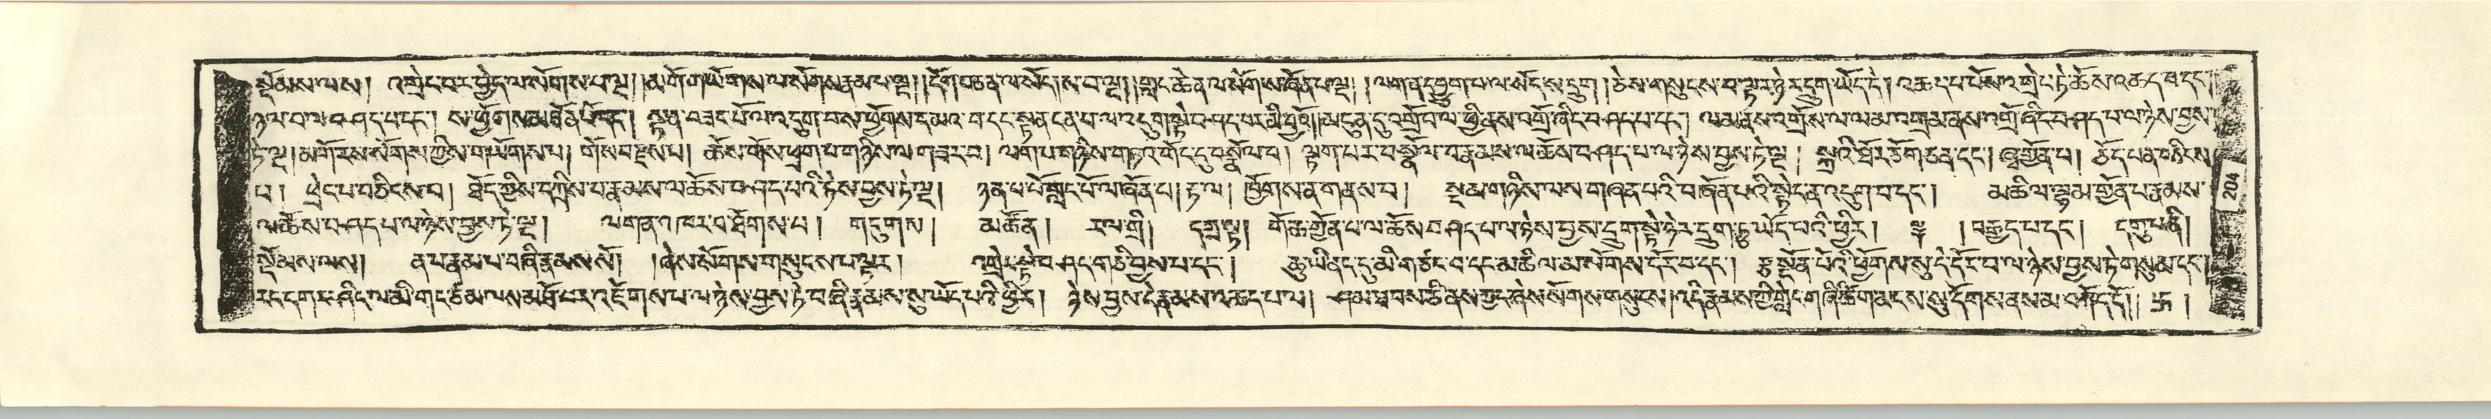སྡོམས་ལས། འགྲེང་བར་བྱེད་ལ་སོགས་པ་ལྔ། །མགོ་གཡོགས་ལ་སོགས་རྣམ་པ་ལྔ། །དོག་བ་ཅན་ལ་སོད། ས་བ་ལྔ། །གླང་ཆེན་ལ་སོགས་ཞོན་པ་ལྔ། །ལག་ན་དབྱུག་པ་ལ་སོད་ས་དྲུག །ཅེས་གསུངས་བ་ལྟར་ཉེར་དྲུག་ཡོད་དེ། འཆད་པ་པོས་འགྲེང་ཏེ་ཆོས་འཆད་བ་དང་
ཉལ་བ་ལ་བཤད་པ་དང་། ས་ཕྱོགས་མཐོན་པོ་དང་། ལྟན་བཟང་པོ་ལ་འདུག་པ་ས་ཕྱོགས་དམའ་བ་དང་སྟན་ངན་པ་ལ་འདུག་སྟེ་བཤད་པར་མི་བྱའོ། །མདུན་དུ་འགྲོ་བ་ལ་ཕྱི་ནས་འགྲོ་ཞིང་བཤད་པ་དང་། ལམ་ནས་འགྲོས་ལ་ལམ་འགྲམ་ནས་འགྲོ་ཞིང་བཤད་པ་ལ་ཉེས་བྱས་
ཏེ་ལྔ། མགོ་རས་སོགས་ཀྱིས་གཡོགས་པ། གོས་བརྫས་པ། ཆོས་གོས་ཕྲག་པ་གཉིས་ལ་གཟར་བ། ལག་པ་གཉིས་གཏའ་གོང་དུ་བསྣོལ་བ། ལྟག་པར་བསྣོལ་བ་རྣམས་ལ་ཆོས་བཤད་པ་ལ་ཉེས་བྱས་ཏེ་ལྔ། སྐྲའི་ཐོར་ཅོག་ཅན་དང་། ཞྭ་གྱོན་པ། ཅོད་པན་བཅིངས་
པ། ཕྲེང་པ་བཅིངས་པ། ཐོད་ཀྱིས་བཀྲིས་པ་རྣམས་ལ་ཆོས་བཤད་པའི་ཏེས་བྱས་ཏེ་ལྔ། ཉན་པ་པོ་གླང་པོ་ལ་ཞོན་པ། རྟ་ལ། ཁྱོགས་ན་གནས་པ། སྔམ་གཉིས་ལས་གཞན་པའི་བཞོན་པའི་སྟེང་ན་འདུག་པ་དང་། མཆིལ་ལྷམ་གྱོན་པ་རྣམས་
ལ་ཆོས་བཤད་པ་ལ་ཉེས་བྱས་ཏེ་ལྔ། ལག་ན་འཁར་བ་ཐོགས་པ། འདུགས། མཚོན། རལ་གྲི། དགྲ་སྟ། གོ་ཆ་གྱོན་པ་ལ་ཆོས་བཤད་པ་ལ་ཉེས་བྱས་དྲུག་སྟེ་ཉེར་དྲུག་ཏུ་ཡོད་པའི་ཕྱིར། ༈ །བརྒྱད་པ་དང་། དགུ་པ་ནི།
སྡོམས་ལས། ན་པ་རྣམ་པ་བཞི་རྣམས་སོ། །ཞེས་སོགས་གསུངས་པ་ལྟར། འགྲེར་སྟེ་བཤད་གཅི་བྱས་པ་དང་། ཆུ་ཡི་ནང་དུ་མི་གཙང་བ་དང་མཆིལ་མ་སོགས་དོར་བ་དང་། རྩ་སྔོན་པོའི་ཕྱོགས་སུ་དེ་དོར་བ་ལ་ཉེས་བྱས་ཏེ་གསུམ་དང་
རང་དགར་ཤིང་ལ་མི་གང་ཙམ་ལས་མཐོ་བར་འཇོགས་པ་ལ་ཉེས་བྱས་ཏེ་བཞི་རྣམས་སུ་ཡོད་པའི་ཕྱིར། ཉེས་བྱས་དེ་རྣམས་འཆད་པ་ལ། ཤམ་ཐབས་ཅི་ནས་ཀྱང་ཞེས་སོགས་གསུངས། འདི་རྣམས་ཀྱི་གླེང་གཞི་ཚིག་མངས་སུ་དོགས་ནས་མ་བཀོད་དོ།།